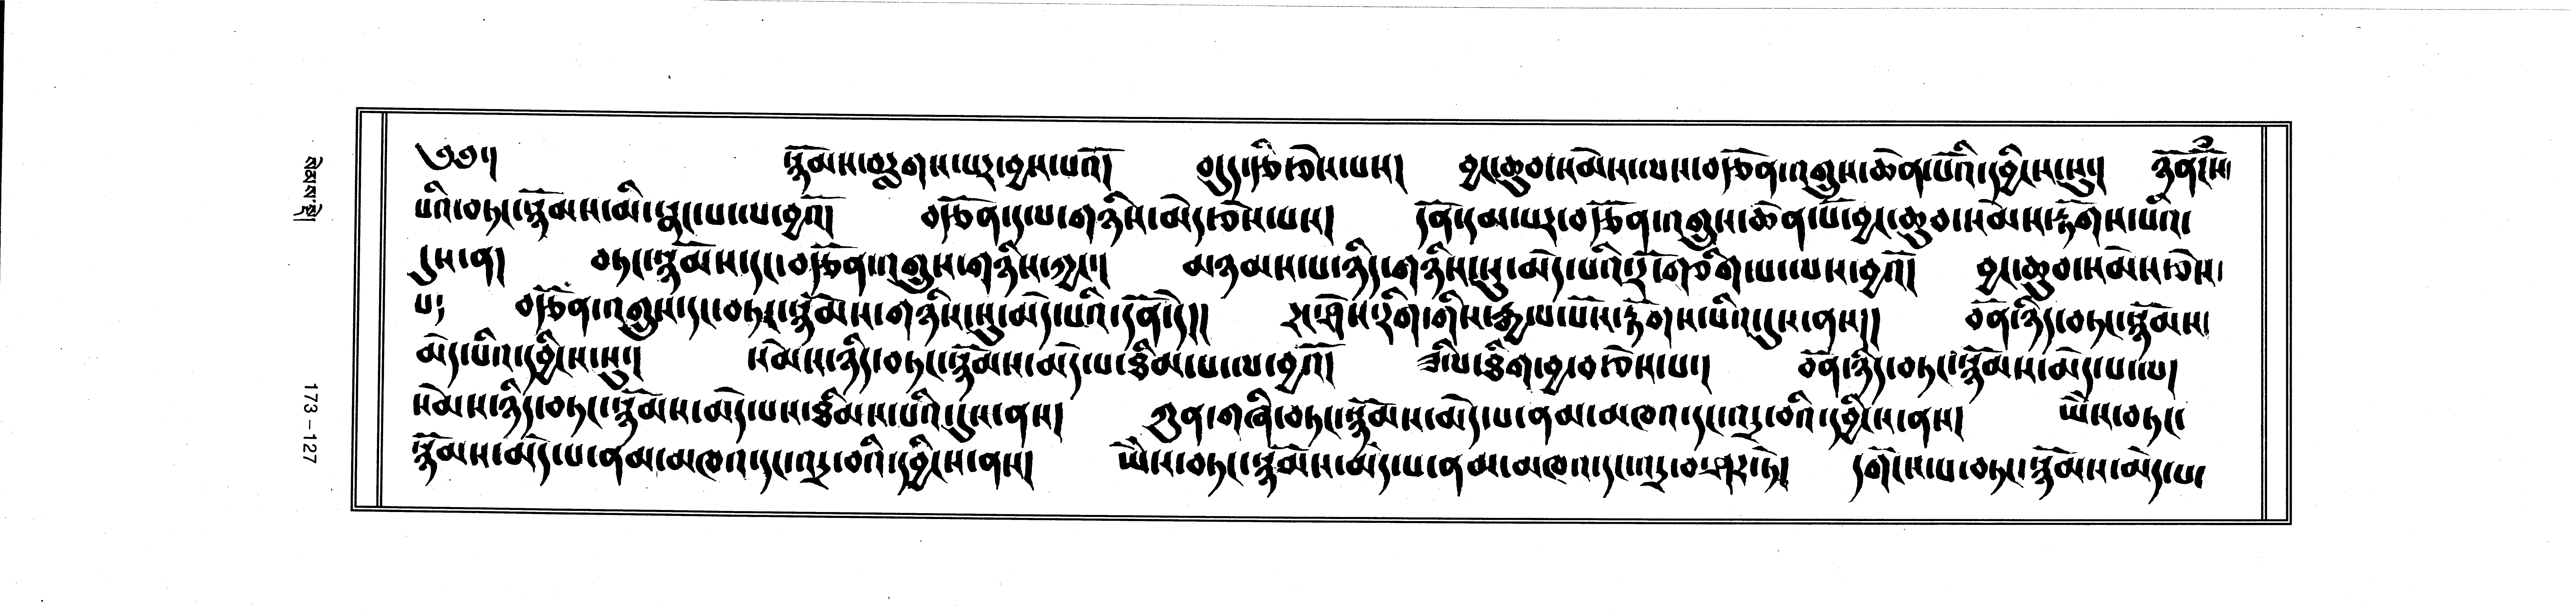སྙོམས་བརླག་པར་བྱས་པའོ། །བདུད་རྩི་ཅེས་པས། བྱང་ཆུབ་སེམས་ལས་བརྩོན་འགྲུས་ཆེན་པོའི་དབྱིངས་སུ་ཉོན་མོངས་
པའི་བཏང་སྙོམས་མི་སྣང་བ་ལ་བྱའོ། །བརྩོན་དལ་གཉིས་མེད་ཅེས་པས། དོན་དམ་པར་བརྩོན་འགྲུས་ཆེན་པོའི་བྱང་ཆུབ་ཀྱི་སེམས་རྟོགས་པའི་
དུས་ན། བཏང་སྙོམས་དང་བརྩོན་འགྲུས་གཉིས་ཀྱང་། མཉམ་པ་ཉིད་གཉིས་སུ་མེད་པའི་དོན་ལས་རོ་གཅིག་པ་གཅིག་པ་ལ་བྱའོ། །བྱང་ཆུབ་སེམས་ཀྱི་ཅེས་
པ། བཏང་སྙོམས་དང་བརྩོན་འགྲུས་གཉིས་སུ་མེད་པའི་དོན་དེ། རང་ཤེས་རིག་གི་རྒྱལ་པོས་༼གཉིས་སུ་མེད་པར་སལ་གྱིས༽རྟོགས་པའི་དུས་ནས། བོན་ཉིད་བཏང་སྙོམས་
མེད་པ་ལ་སེམས་ཉིད་བཏང་སྙོམས་མེད་པ་ཐིམ་པ་ལ་བྱའོ། ། ཟིལ་ཐིག་ཅེས་པས། བོན་ཉིད་བཏང་སྙོམས་མེད་པ་ལ་
སེམས་ཉིད་བཏང་སྙོམས་མེད་པ་ཐིམ་པའི་དུས་ན། ཀུན་གཞི་བཏང་སྙོམས་མེད་པ་ནམ་མཁའ་དང་འདྲ་བའི་དབྱིངས་ནས། ཡེ་ཤེས་བཏང་
སྙོམས་མེད་པ་ནམ་མཁའ་དང་འདྲ་བའི་དབྱིངས་ནས། ཡེ་ཤེས་བཏང་སྙོམས་མེད་པ་ནམ་མཁའ་དང་འདྲ་བ་ཤར་ཏེ། དགོངས་པ་བཏང་སྙོམས་མེད་པ་